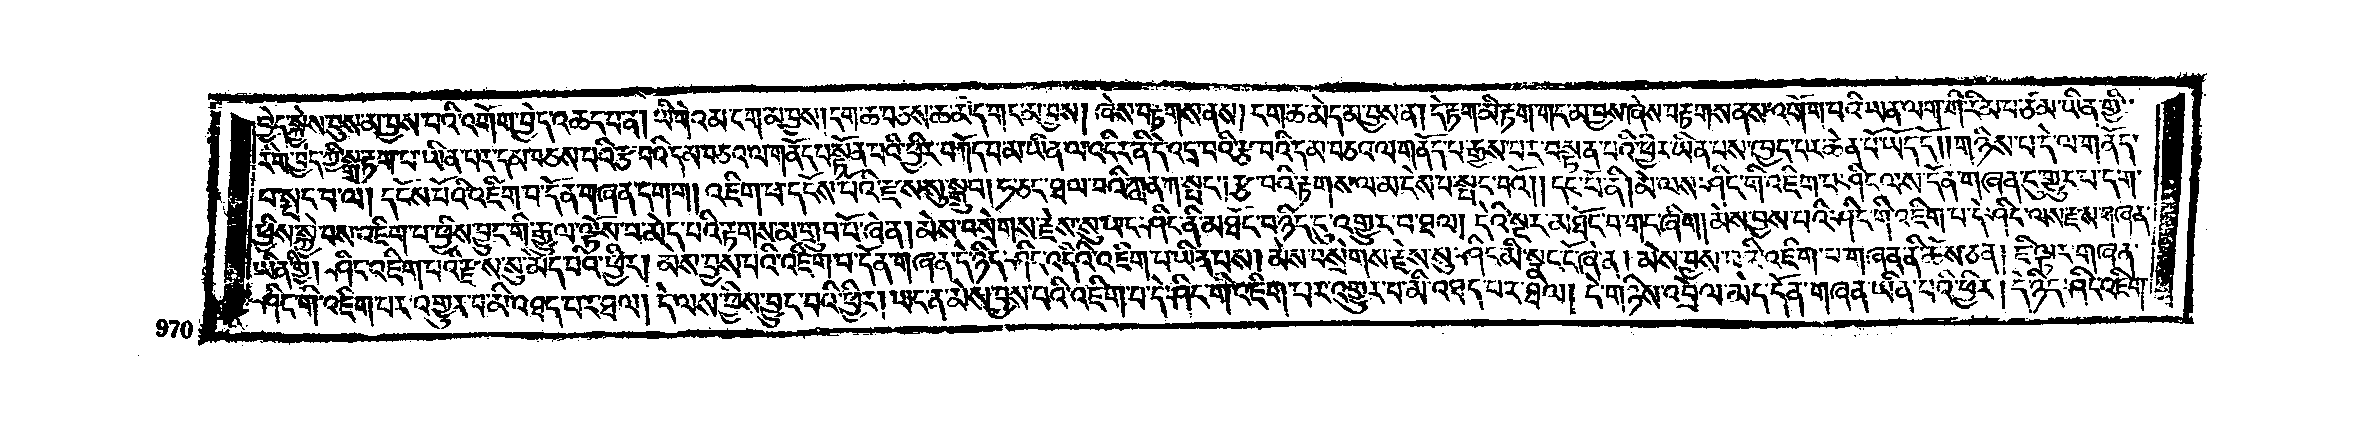བྱེད་སྐྱེས་བུས་མ་བྱས་པའི་འགོག་བྱེད་འཆད་པ་ན། ཡི་གེའམ་ངག་མ་བྱས། ངག་ཆ་བཅས་ཆ་མེད་གང་མ་བྱས། ཞེས་བརྟགས་ནས། ངག་ཆ་མེད་མ་བྱས་ན། དེ་རྟག་མི་རྟག་གང་མ་བྱས་ཞེས་བརྟགས་ནས་འགོག་པའི་ཡན་ལག་གི་རིམ་པ་ཙམ་ཡིན་གྱི་
རིག་བྱེད་ཀྱི་སྒྲ་རྟག་པ་ཡིན་པར་དམ་བཅས་པའི་རྩ་བའི་དམ་བཅའ་ལ་གནོད་པ་སྟོན་པའི་ཕྱིར་བཀོད་པ་མ་ཡིན་ལ་འདིར་ནི་དེ་འདྲ་བའི་རྩ་བའི་དམ་བཅའ་ལ་གནོད་པ་རྒྱས་པར་བསྟན་པའི་ཕྱིར་ཡིན་པས་ཁྱད་པར་ཆེན་པོ་ཡོད་དོ། །གཉིས་པ་དེ་ལ་གནོད་
པ་སྤང་བ་ལ། དངོས་པོའི་འཇིག་པ་དོན་གཞན་དགག །འཇིག་པ་དངོས་པོའི་རྫས་སུ་སྒྲུབ། ཧ་ཅང་ཐལ་བའི་ཀླན་ཀ་སྤང་། རྩ་བའི་རྟགས་ལ་མ་ངེས་པ་སྤང་བའོ། །དང་པོ་ནི། མེ་ལས་ཤིང་གི་འཇིག་པ་ཤིང་ལས་དོན་གཞན་དུ་གྱུར་པ་དག་
ཕྱིས་སྐྱེ་བས་འཇིག་པ་ཕྱིས་བྱུང་གི་རྒྱུ་ལ་ལྟོས་པ་མེད་པའི་རྟགས་མ་གྲུབ་པོ་ཞེ་ན། མེས་བསྲེགས་རྗེས་སུ་ཡང་ཤིང་ནི་མཐོང་བ་ཉིད་དུ་འགྱུར་བ་ཐལ། དེའི་སྔར་མཐོང་བ་གང་ཞིག །མེས་བྱས་པའི་ཤིང་གི་འཇིག་པ་དེ་ཤིང་ལས་རྫས་གཞན་
ཡིན་གྱི། ཤིང་འཇིག་པའི་རྫས་སུ་མེད་པའི་ཕྱིར། མེས་བྱས་པའི་འཇིག་པ་དོན་གཞན་དེ་ཉིད་ཤིང་འདིའི་འཇིག་པ་ཡིན་པས། མེས་བསྲེགས་རྗེས་སུ་ཤིང་མི་སྣང་ངོ་ཞེ་ན། མེས་བྱས་པའི་འཇིག་པ་གཞན་ནི་ཆོས་ཅན། ཇི་ལྟར་གཞན་
ཤིང་གི་འཇིག་པར་འགྱུར་བ་མི་འཐད་པར་ཐལ། དེ་ལས་ཕྱིས་བྱུང་བའི་ཕྱིར། ཡང་ན་མེས་བྱས་པའི་འཇིག་པ་དེ་ཤིང་གི་འཇིག་པར་འགྱུར་པ་མི་འཐད་པར་ཐལ། དེ་གཉིས་འབྲེལ་མེད་དོན་གཞན་ཡིན་པའི་ཕྱིར། དེ་ཉིད་ཤིང་འཇིག་